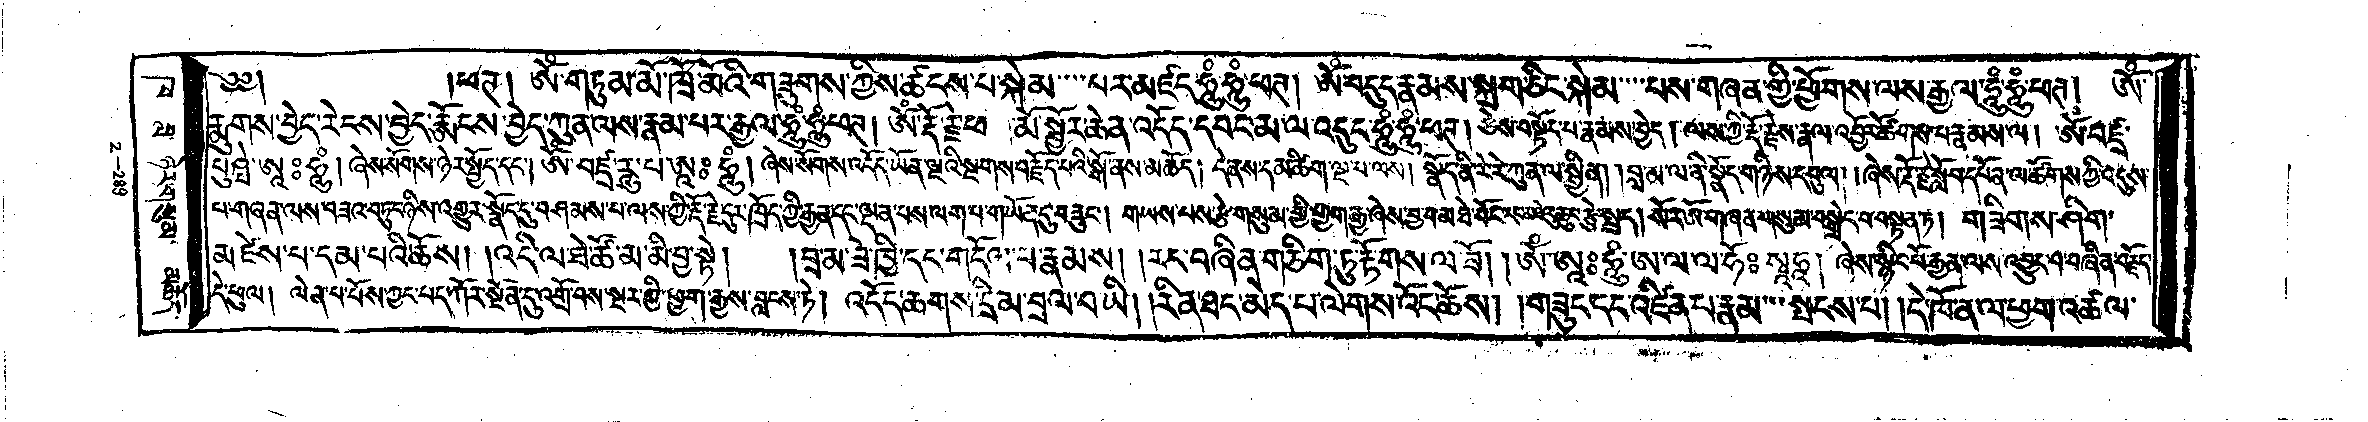༄༅། །ཕཊ། ཨོཾ་གཏུམ་མོ་ཁྲོ་མོའི་གཟུགས་ཀྱིས་ཚངས་པ་སྐེཾ་པར་མཛད་ཧཱུཾ་ཧཱུཾ་ཕཊ། ཨོཾ་བདུད་རྣམས་སྐྲ་གཅིང་སྐེམ་པས་གཞན་གྱི་ཕྱོགས་ལས་རྒྱལ་ཧཱུཾ་ཧཱུཾ་ཕཊ། ཨོཾ་
རྨུགས་བྱེད་རེངས་བྱེད་རྨོངས་བྱེད་ཀུན་ལས་རྣམ་པར་རྒྱལ་ཧཱུཾ་ཧཱུཾ་ཕཊ། ཨོཾ་རྡོ་རྗེ་ཕ་།མོ་སྦྱོར་ཆེན་འདོད་དབང་མ་ལ་འདུད་ཧཱུཾ་ཧཱུཾ་ཕཊ། ཅེས་བ་སྟོང་ཨ་རྣམས་བྱེད། ལས་ཀྱི་རྡོ་རྗེ་རྣལ་འབྱོར་ཚོགས་པ་རྣམས་ལ། ཨོཾ་བཛྲ་
པུཥྤེ་ཨཱཿ ཧཱུཾ། ཞེས་སོགས་ཉེར་སྤྱོད་དང་། ཨོཾ་བཛྲ་རཱུ་པ་ཨཱཿ ཧཱུཾ། ཞེས་སོགས་འདོད་ཡོན་ལྔའི་སྔགས་བརྗོད་པའི་སྒོ་ནས་མཆོད། དེ་ནས་དམ་ཚིག་ལྔ་པ་ལས། སྣོད་ནི་རེ་རེ་ཀུན་ལ་སྦྱིན། །བླ་མ་པ་ནི་སྣོད་གཉིས་དབུལ། །ཞེས་རྡོ་རྗེ་སློབ་དཔོན་ལ་ཚོགས་ཀྱི་འདུས་
པ་གཞན་ལས་བཟའ་བཏུང་ཉིས་འགྱུར་སྣོད་དུ་བཤམས་པ་ལས་ཀྱི་རྡོ་རྗེ་དུར་ཁྲོད་ཀྱི་རྒྱན་དང་ལྡན་པས་ལག་པ་གཡོན་དུ་བཟུང་། །གཡས་པས་རྩེ་གསུམ་གྱི་ཕྱག་རྒྱ་ཞེས་བྱ་བ་མཐེ་ཐོང་རབ་མཐེའི་ཆུང་ཅུཨེ་སྤྲད། སོར་ཨོ་གཞན་གསུམ་བསྒྲེད་བ་བསྟན་ཏེ། གཟིགས་ཤིག་
མཛེས་པ་དམ་པའི་ཆོས། །འདི་ལ་ཐེ་ཚོམ་མི་བྱེ་སྟེ། །བྲམ་ཟེ་ཁྱི་དང་གདོལ་པ་རྣམས། །རང་བཞིན་གཅིག་ཏུ་རྟོགས་ལ་ཟོ། །ཨོཾ་ཨཱཿ ཧཱུཾ་ཨ་ལ་ལ་ཧོཿ སྭཱ་ཧཱ། ཞེས་སྙིང་པོ་རྒྱན་ལས་འབྱུང་བ་བཞིན་བརྗོད་
དེ་ཕུལ། ལེན་པ་པོས་ཀྱང་པད་ཁོར་སྔོན་དུ་འགྲོ་བས་སྔར་གྱི་ཕག་རྒྱས་བླངས་ཏེ། འདོད་ཆགས་དྲིམ་བྲལ་བ་ཡི། །རིན་ཐང་མེད་པ་ལེགས་འོང་ཆོས། །གཟུང་དང་འཛིན་པ་རྣམ་སྤངས་པ། །དེ་ཁོ་ན་ལ་ཕྱག་འཚལ་